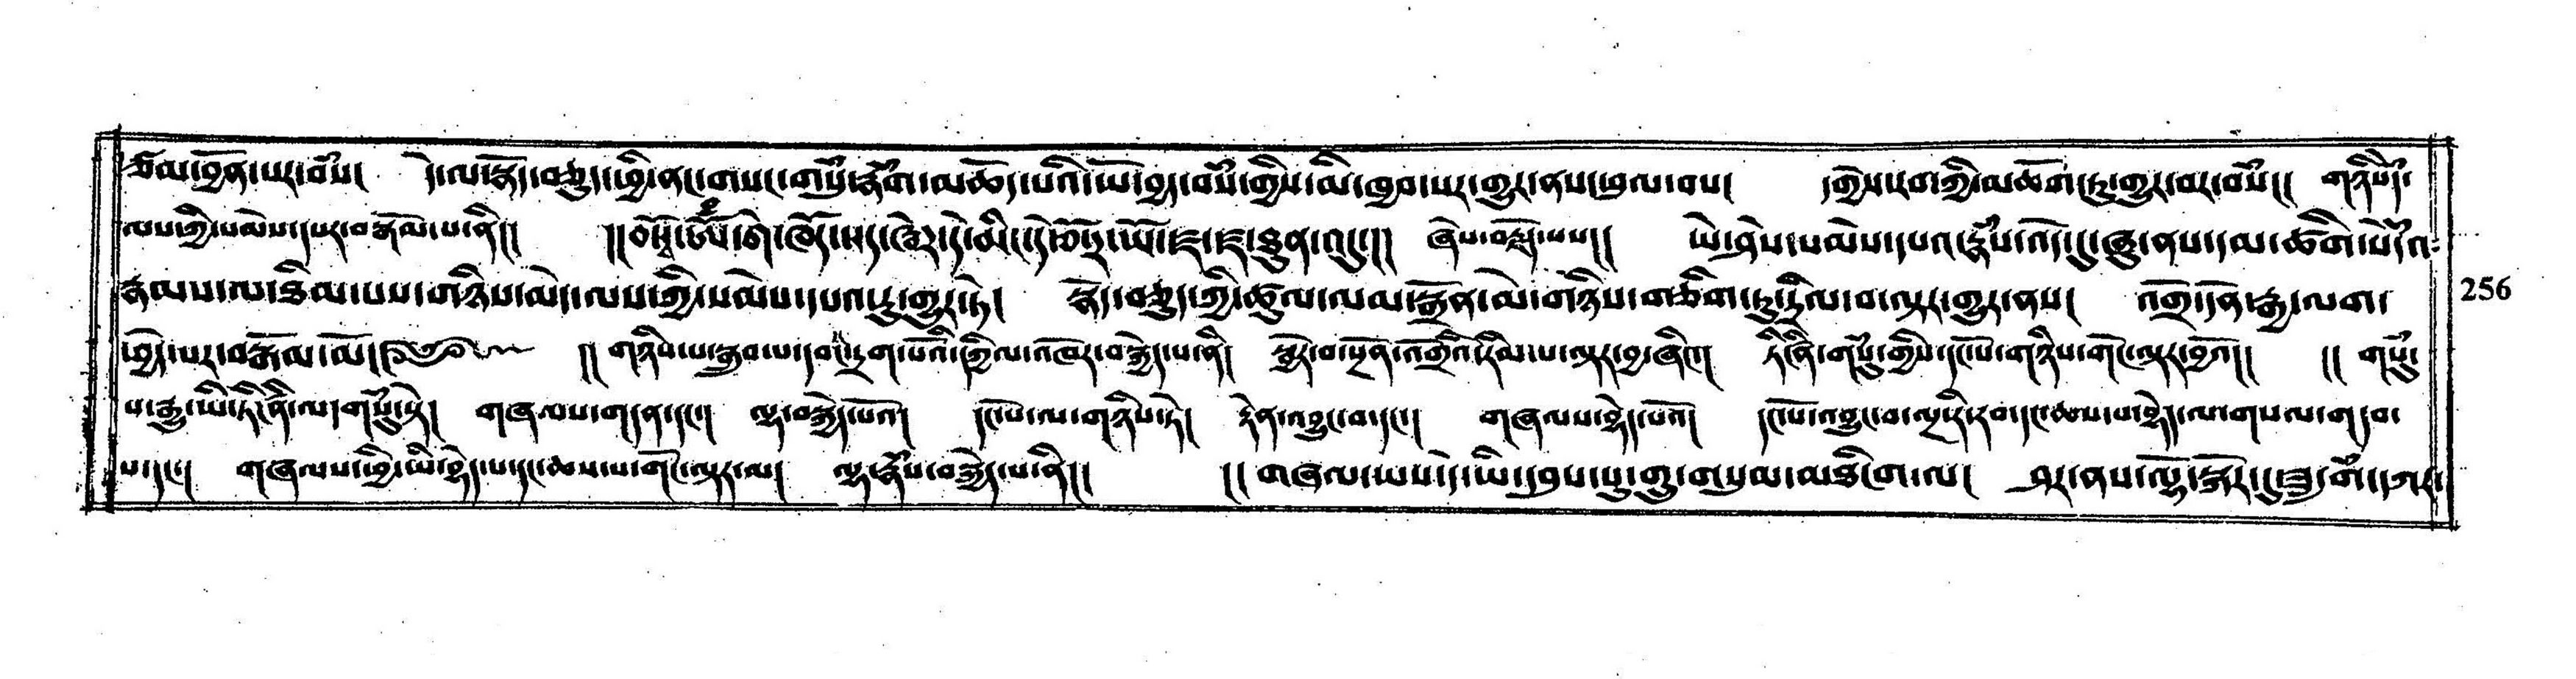ཙམ་བྱོན་པར་བསམ། དེ་ལ་སྣོད་བཅུད་ཕྱི་ནང་གསང་གསུམ་རྣམ་དག་མཆོད་པའི་ཡོ་བྱད་བསམ་གྱིས་མི་ཁྱབ་པར་གྱུར་ནས་ཕུལ་བས། དགྱེས་རབ་ཀྱི་མཆོག་ཏུ་གྱུར་བར་བསམ།། གཉིས་མེད་
ལས་ཀྱི་སེམས་དཔར་བསྒོམ་པ་ནི།། བསྭོ་ཨོཾ་གེ་ཁོད་སད་ཝེར་དེ་མིང་དེ་ཅོ་ར་ཡོ་ཛ་ཛ་ཐུན་འདུ།། ཞེས་བརྗོད་པས།། ཡེ་ཤེས་སེམས་དཔའ་རྣམས་འོད་དུ་ཞུ་ནས་དམ་ཚིག་སེམས་དཔའ་
རྣམས་ལ་ཐིམ་པས་གཉིས་མེད་ལས་ཀྱི་སེམས་དཔའ་རུ་གྱུར་ཏེ། སྣོད་བཅུད་ཀྱི་ཚུལ་ལམ་སྒྲོན་མེ་གཉིས་གཅིག་ཏུ་དྲིལ་བ་ལྟར་གྱུར་ནས། འགྲོ་དོན་རྒྱ་ལག་
ཕྱེད་པར་བསྒོམ་མོ།། །།གཉིས་པ་སྒྲུབ་པ་དབང་དྲག་པོའི་དཀྱིལ་འཁོར་བསྐྱེད་པ་ནི། སྦྱོར་བ་སྔོན་འགྲོའི་རིམ་པ་ལྟར་བྱ་ཞིང་། ཏིང་འཛིན་གསུམ་གྱིས་དང་པོ་གཉིས་གོང་ལྟར་བྱའོ།། །།གསུམ་
པ་རྒྱུ་ཡི་ཏིང་འཛིན་ལ་གསུམ་སྟེ། གཞལ་ཡས་གདན་དང་། ལྷ་བསྐྱེད་པའོ། དང་པོ་ལ་གཉིས་ཏེ། རྟེན་འབྱུང་བ་དང་། གཞལ་ཡས་བསྐྱེད་༼བྷེད་༽པའོ། དང་པོ་འབྱུང་བ་ལྔ་རི་རབ་དང་ཆས་པ་བསྐྱེད་༼བྷེད༽ལ་གསལ་གདབ་
པ་དང་། གཞལ་ཡས་ཕྱི་ཡི་བསྐྱེད་༼བྷེད་༽པ་དང་ཆས་པ་གོང་ལྟར་མ། ལྷ་རྣམས་བསྐྱེད་པ་ནི།། །།གཞལ་ཡས་དེ་ཡི་དབུས་སུ་གྲུ་གསུམ་མཐིང་ནག་ལ། ཤར་ནས་ལྷོ་སྐོར་དུ་ཟླ་གམ་དཀར་